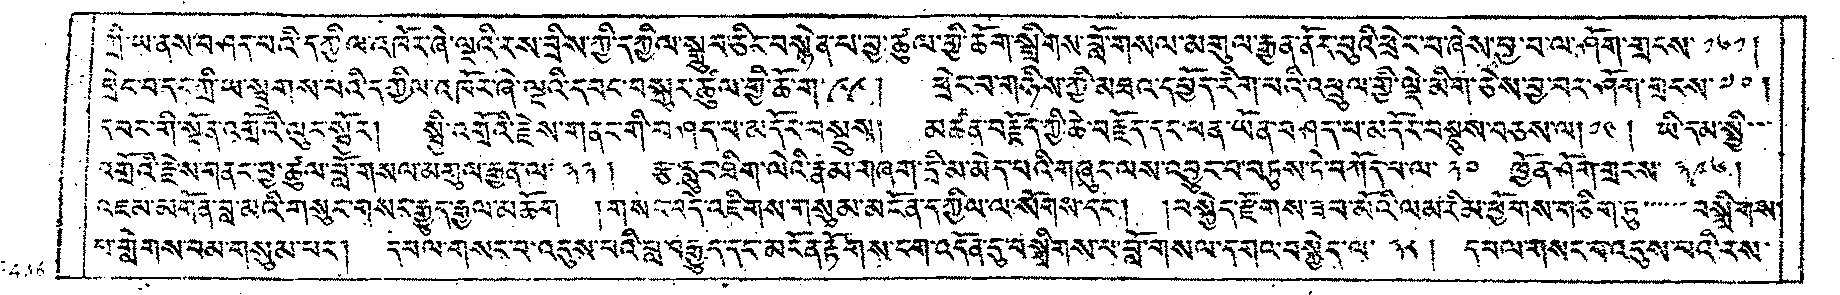ཀྲི་ཡ་ནས་བཤད་པའི་དཀྱིལ་འཁོར་ཞེ་ལྔའི་རས་བྲིས་ཀྱི་དཀྱིལ་སྒྲུབ་ཅིང་བསྙེན་པ་བྱ་ཚུལ་གྱི་ཆོག་སྒྲིགས་བློ་གསལ་མགུལ་རྒྱན་ནོར་བུའི་ཕྲེང་བ་ཞེས་བྱ་བ་ལ་ཤོག་གྲངས ༡༦༡།
ཕྲེང་བ་དང་ཀྲི་ཡ་སྦྲགས་པའི་དཀྱིལ་འཁོར་ཞེ་ལྔའི་དབང་བསྐུར་ཚུལ་གྱི་ཆོ་ག ༩༩། ཕྲེང་བ་གཉིས་ཀྱི་མཐའ་དཔྱོད་རིག་པའི་འཕྲུལ་གྱི་ལྡེ་མིག་ཅེས་བྱ་བར་ཤོག་གྲངས ༧༠།
དབང་གི་སྔོན་འགྲོའི་ལུང་སྦྱོར། སྤྱི་འགྲོའི་རྗེས་གནང་གི་བཤད་པ་མདོར་བསྡུས། མཚན་བརྗོད་ཀྱི་ཆེ་བརྗོད་དང་ཕན་ཡོན་བཤད་པ་མདོར་བསྡུས་བཅས་ལ། ༡༤། ཡི་དམ་སྤྱི་
འགྲོའི་རྗེས་གནང་བྱ་ཚུལ་བློ་གསལ་མགུལ་རྒྱན་ལ ༣༢། རྩ་རླུང་ཐིག་ལེའི་རྣམ་གཞག་དྲི་མ་མེད་པའི་གཞུང་ལས་འབྱུང་བ་བཏུས་ཏེ་བཀོད་པ་ལ ༢༠། ཁྱོན་ཤོག་གྲངས ༣༩༦།
འཇམ་མགོན་བླ་མའི་གསུང་གསང་རྒྱུད་རྒྱལ་མཆོག །གསང་བདེ་འཇིགས་གསུམ་མངོན་དཀྱིལ་ལ་སོགས་དང་། །བསྐྱེད་རྫོགས་ཟབ་མོའི་ལམ་རིམ་ཕྱོགས་གཅིག་ཏུ་བསྒྲིགས་
པ་གླེགས་བམ་གསུམ་པར། དཔལ་གསང་བ་འདུས་པའི་བླ་བརྒྱུད་དང་མངོན་རྟོགས་ངག་འདོན་དུ་བསྒྲིགས་པ་བློ་གསལ་དགའ་བསྐྱེད་ལ ༣༨། དཔལ་གསང་བ་འདུས་པའི་རས་